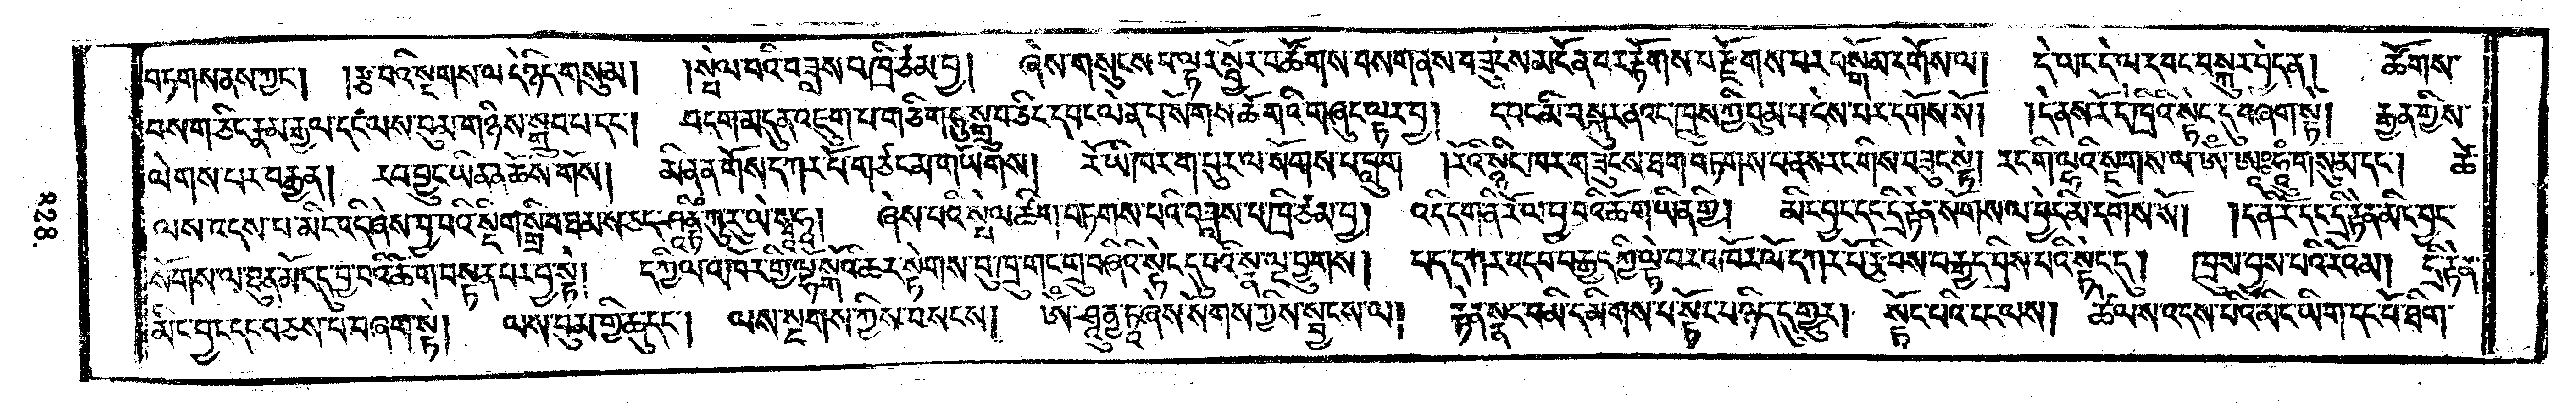བཏགས་ནས་ཀྱང་། །རྩ་བའི་སྔགས་ལ་དེ་ཉིད་གསུམ། །སྤེལ་བའི་བཟླས་བྑྲི་ཙམ་བྱ། ཞེས་གསུངས་པ་ལྟར་སྦྱོར་བ་ཚོགས་བསག་ནས་བཟུང་མངོན་བར་རྟོགས་པ་རྡོགས་པར་བསྒོམ་དགོས་ལ། དེ་ཡང་དེ་ལ་དབང་བསྐུར་བྱེད་ན། ཚོགས་
བསག་ཅིད་ནམ་རྒྱལ་དང་ལས་བུམ་གཉིས་སྒྲུབ་པ་དང་། བདག་མདུན་འཇུག་པ་གཅིག་ཏུ་སྒྲུབ་ཅིང་དབང་ལེན་པ་སོགས་ཆོ་གའི་གཞུང་ལྟར་བྱ། དའང་མི་བསྐུར་ནའང་ཁྲུས་ཀྱི་བུམ་པ་ངེས་པར་དགོས་སོ། །དེ་ནས་རོ་དེ་ཁྲིའི་སྟེང་དུ་བཞག་སྟེ། རྒྱན་གྱིས་
ལེགས་པར་བརྒྱན། རབ་བྱུང་ཡིན་ན་ཆོས་གོས། མིན་ན་གོས་དཀར་པོ་གཙང་མ་གཡོགས། རོ་ཡི་ཁར་ག་པུར་ལ་སོགས་པ་བླུག །རོའི་སྙིང་ཁར་གཟུངས་ཐག་བཏགས་པ་ནས་རང་གིས་བཟུང་སྟེ། རང་གི་ལྷའི་སྔགས་ལ་ཨོཾ་ཨཱཿཧཱུཾ་གསུམ་དང་། ཚེ་
ལས་འདས་པ་མིང་འདི་ཞེས་བྱ་བའི་སྡིག་སྒྲིབ་ཐམས་ཅད་ཤཱནྟིཾ་ཀུ་རུ་ཡེ་སྭཱ་ཧཱ། ཞེས་པའི་སྤེལ་ཚིག་བཏགས་པའི་བཟླས་པ་ཁྲི་ཙམ་བྱ། འདི་དག་ནི་རོལ་བྱ་བའི་ཆོ་ག་ཡིན་གྱི། མིང་བྱང་དང་དྲི་རྟེན་སོགས་ལ་བྱེད་མི་དགོས་སོ། །ད་ནི་རོ་དང་དྲི་རྟེན་མིང་བྱང་
སོགས་ལ་ཐུན་མོང་དུ་བྱ་བའི་ཚིག་བསྟན་པར་བྱ་སྟེ། དཀྱིལ་འཁོར་གྱི་ལྷོ་སྒོའི་ཆར་སྟེགས་བུ་ཁྲུ་གང་གྲུ་བཞིའི་སྟེང་དུ་བའི་སྣ་ལྔ་བྱུགས། པད་དཀར་འདབ་བརྒྱད་ཀྱི་ལྟེ་བར་འཁོར་ལོ་དཀར་པོ་རྩིབས་བརྒྱད་བྲིས་པའི་སྟེང་དུ། ཁྲུས་བྱས་པའི་རོའམ། དྲི་རྟེན་
མིང་བྱང་དང་བཅས་པ་བཞག་སྟེ། ལས་བུམ་གྱི་ཆུ་དང་། ལས་སྔགས་ཀྱིས་བསངས། ཨོཾ་ཤཱུ་ནྱ་ཏཱ་ཞེས་སོགས་ཀྱིས་སྦྱངས་ལ། རྟེན་སྣང་བ་མི་དམིགས་པ་སྟོང་པ་ཉིད་དུ་གྱུར། སྟོང་པའི་ངང་ལས། ཚེ་ལས་འདས་པའི་མིང་ཡིག་དང་པོ་ཐིག་